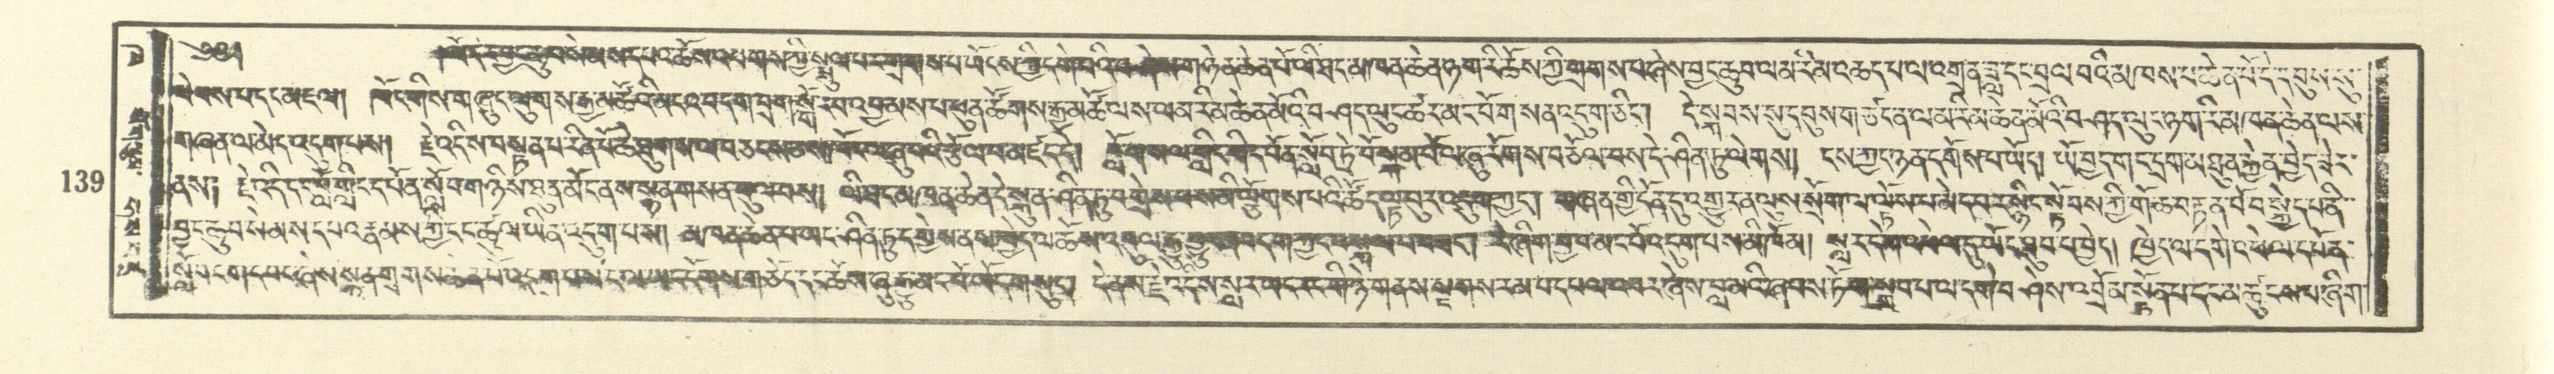༄༅། །ལོ་དེར་བྱང་ཆུབ་སེམས་དཔའ་ཆོས་འཕགས་ཀྱི་སྤྲུལ་པར་གྲགས་པ་ཡོངས་ཀྱི་དགེ་བའི་བཤེས་གཉེན་ཆེན་པོ་ལི་ཐང་མཁན་ཆེན་ཉག་རི་ཆོས་ཀྱི་གྲགས་པ་ཞེས་བྱང་ཆུབ་ལམ་རིམ་འཆད་པ་ལ་འགྲན་ཟླ་དང་བྲལ་བའི་མཁས་པ་ཆེན་པོ་དེ་དབུས་སུ་
ཕེབས་པ་དང་མཇལ། ཁོང་གིས་གཞུང་ལུགས་རྒྱ་མཚོའི་མངའ་བདག་བྲག་སྒོ་རབ་འབྱམས་པ་ཕུན་ཚོགས་རྒྱ་མཚོ་ལས་ལམ་རིམ་ཆེན་མོའི་བཤད་ལུང་ཚར་མང་པོ་གསན་འདུག་ཅིང་། དེ་སྐབས་སུ་དབུས་གཙང་ན་ལམ་རིམ་ཆེན་མོའི་བཤད་ལུང་ཉག་རི་མཁན་ཆེན་ལས་
གཞན་ལ་མེད་འདུག་པས། རྗེ་འདིས་བསྟན་པ་རིན་པོ་ཆེ་ཐུགས་ལ་བཅངས་ནས་ཁོང་ལ་ཞུ་བའི་རྩོལ་བ་མཛད་དེ། བློ་གསལ་གླིང་གི་དཔོན་སློབ་ཏྲེ་པོ་སྐམ་པོ་ལ་ཞུ་རོགས་བཅོལ་བས་དེ་ཤིན་ཏུ་ལེགས། ངས་ཀྱང་ཉན་དགོས་པ་ཡོད། ཡོ་བྱད་གང་དྲག་མཐུན་རྐྱེན་བྱེད་ཟེར་
ནས༑ རྗེ་འདི་དང་བློ་གླིང་དཔོན་སློབ་གཉིས་ཐུན་མོང་ནས་སྙན་གསན་ཕུལ་བས། ལི་ཐང་མཁན་ཆེན་དེ་སྐུ་ན་ཤིན་ཏུ་བགྲེས་བས་མི་ལྕོགས་པའི་ཚོད་ལྟ་བུར་འདུག་ཀྱང་། གཞན་གྱི་དོན་དུ་འགྱུར་ན་ལུས་སྲོག་ལ་ལྟོས་པ་མེད་པར་སྙིང་སྟོབས་ཀྱི་གོ་ཆ་བརྟན་པོ་བསྐྱེད་པ་ནི་
བྱང་ཆུབ་སེམས་དཔའ་རྣམས་ཀྱི་ངང་ཚུལ་ཡིན་འདུག་པས། མཁན་ཆེན་པ་ཡང་ཤིན་ཏུ་དགྱེས་ནས་ཁྱེད་ལ་ཆོས་འབུལ་རྒྱུ་བྱུང་ན་བདག་ཀྱང་བསྐལ་པ་བཟང་། རེ་ཞིག་བྱ་བ་མང་པོ་འདུག་པས་མི་ཁོམ། སླར་དགེ་འཕེལ་དུ་ཡོང་ཐུབ་པ་བྱེད། ཁྱེད་ལ་དགེ་འཕེལ་དཔོན་
སློབ་ངག་དབང་ཞེས་སྙན་གྲགས་ཆེན་པོ་འདུག་པས་ང་ལ་ཡང་དོགས་གཅོད་དང་ཆོས་ཞུ་རྒྱུ་མང་པོ་ཡོད་གསུང་། དེ་ནས་རྗེ་འདིས་སླར་ཡང་རང་གི་ཉེ་གནས་སྔགས་རམ་པ་དཔལ་འབར་ཞེས་བླ་མའི་ཞབས་ཏོག་སྒྲུབ་པ་ལ་དགེ་བཤེས་འབྲོམ་སྟོན་པ་དང་མཚུངས་པ་ཞིག་